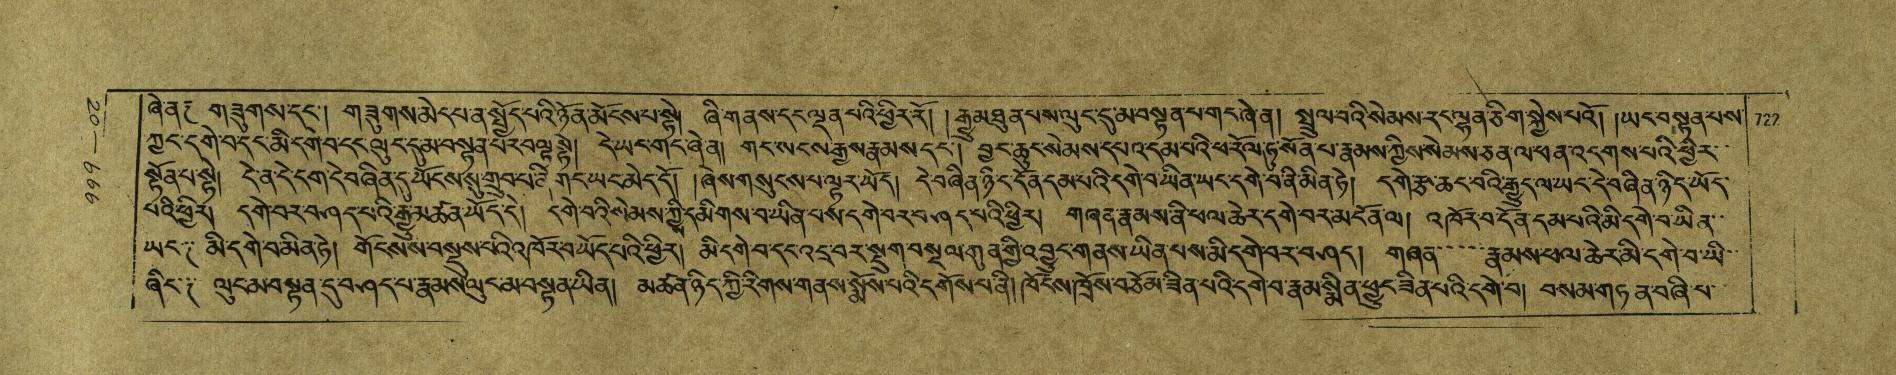ཞེ་ན༑ གཟུགས་དང་། གཟུགས་མེད་པ་ན་སྤྱོད་པའི་ཉོན་མོངས་པ་སྟེ། ཞེ་གནས་དང་ལྡན་པའི་ཕྱིར་རོ། །རྒྱུ་མཐུན་པས་ལུང་དུ་མ་བསྟན་པ་གང་ཞེ་ན། སྤྲུལ་བའི་སེམས་རང་ལྷན་ཅིག་སྐྱེས་པའོ། །ཡང་བསྟན་པས་
ཀྱང་དགེ་བ་དང་མི་དགེ་བ་དང་ལུང་དུ་མ་བསྟན་པར་བལྟ་སྟེ། དེ་ཡང་གང་ཞེ་ན། གང་སངས་རྒྱས་རྣམས་དང་། བྱང་ཆུབ་སེམས་དཔའ་དམ་པའི་ཕ་རོལ་ཏུ་སོན་པ་རྣམས་ཀྱིས་སེམས་ཅན་ལ་ཕན་འདགས་པའི་ཕྱིར་
སྟོན་པ་སྟེ། དེ་ན་དེ་དག་དེ་བཞིན་དུ་ཡོངས་སུ་གྲུབ་པ་ནི་གང་ཡང་མེད་དོ། །ཞེས་གསུངས་པ་ལྟར་ཡོད། དེ་བཞིན་ཉིང་དོན་དམ་པའི་དགེ་བ་ཡིན་ཡང་དགེ་བ་ནི་མིན་ཏེ། དགེ་རྩ་ཆང་བའི་རྒྱུད་ལ་ཡང་དེ་བཞིན་ཉིད་ཡོད་
པའི་ཕྱིར། དགེ་བར་བཤད་པའི་རྒྱུ་མཚན་ཡོད་དེ། དགེ་བའི་སེམས་ཀྱིས་དམིགས་བ་ཡིན་པས་དགེ་བར་བཤད་པའི་ཕྱིར། གཞན་རྣམས་ནི་ཕལ་ཆེར་དགེ་བར་མངོན་ལ། འཁོར་བ་དོན་དམ་པའི་མི་དགེ་བ་ཡིན་
ཡང༑ མི་དགེ་བ་མིན་ཏེ། གོངས་ས་བསྡུས་པའི་འཁོར་བ་ཡོད་པའི་ཕྱིར། མི་དགེ་བ་དང་འདྲ་བར་སྡུག་བསྔལ་ཀུན་གྱི་འབྱུང་གནས་ཡིན་པས་མི་དགེ་བར་བཤད། གཞན་རྣམས་ཕལ་ཆེར་མི་དགེ་བ་ཡི་
ཞིང༑ ལུང་མ་བསྟན་དུ་བཤད་པ་རྣམས་ལུང་མ་བསྟན་ཡིན། མཚན་ཉིད་ཀྱི་རིགས་གནས་སྨོས་པའི་དགོས་པ་ནི། ཁོངས་ཁྲོས་བཅོམ་ཟིན་པའི་དགེ་བ་རྣམ་སྨིན་ཕུང་ཟིན་པའི་དགེ་བ། བསམ་གཏན་བཞི་པ་